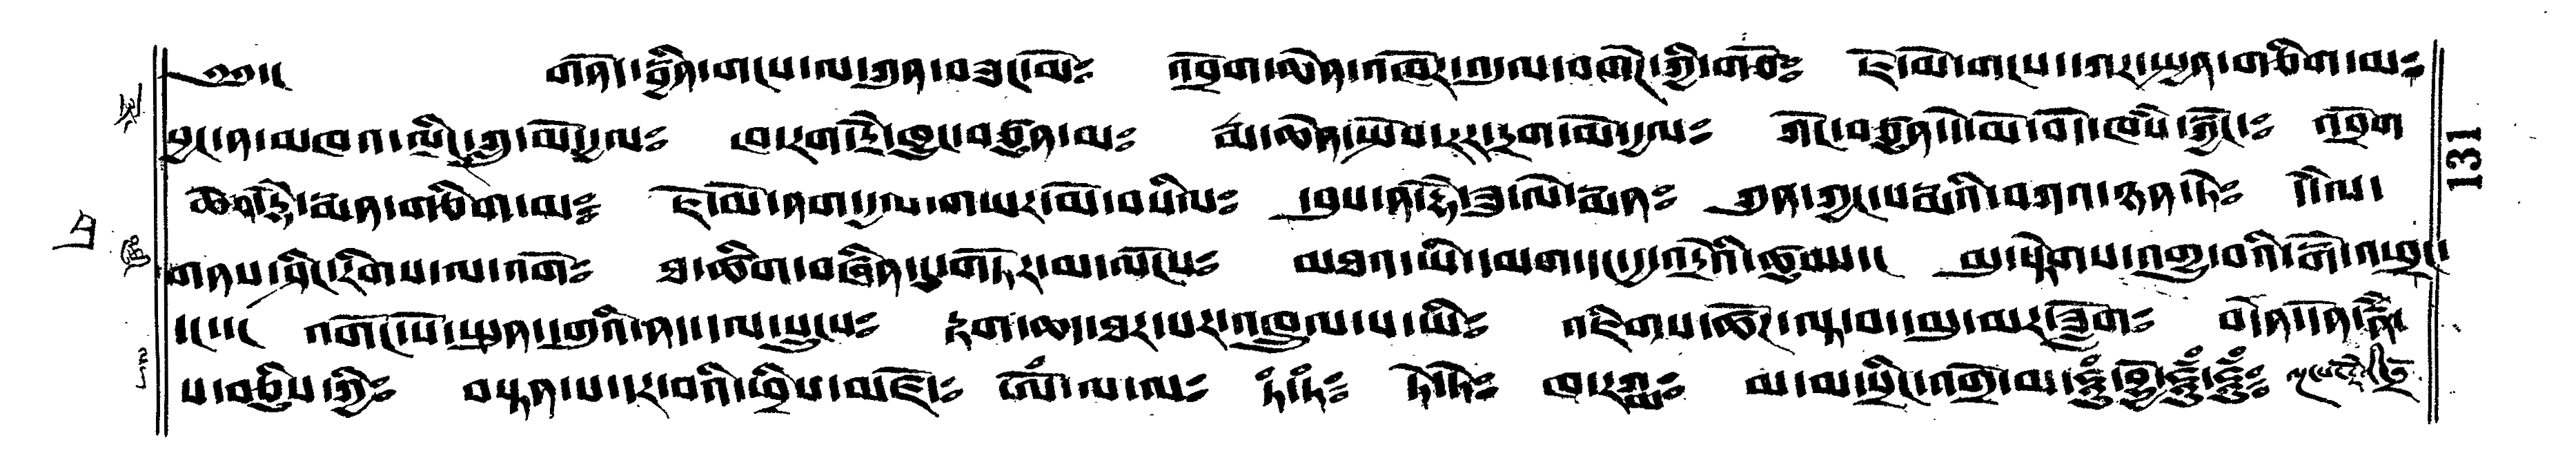གནོད་སྦྱིན་གངས་ལ་ཀུན་བཟང་མོ༔ འབྲོག་ཆེན་འཁོར་འདུལ་བགེགས་ཀྱི་གཙོ༔ ཇོ་མོ་གངས་དཀར་སྤྱན་གཅིག་མ༔ 
བྱང་ན་མཁའ་ལྡིང་ཀླུ་མོ་རྒྱལ༔ ཁ་རག་རྡོ་རྗེ་ཁྱུང་བཙུན་མ༔ རྨ་ཆེན་སྤོམ་རར་དྲག་མོ་རྒྱལ༔ ཀོང་བཙུན་དེ་མོ་བོད་ཁམས་སྐྱོང༔ འབྲོག་
ཆེན་རྡོ་རྗེ་སྨན་གཅིག་མ༔ ཇོ་མོ་ནགས་རྒྱལ་གཡར་མོ་བསིལ༔ དབུས་ན་རྡོ་རྗེ་ཟུ་ལེ་སྨན༔ ཀུན་ཀྱང་པདྨའི་བཀའ་ཉན་ཏེ༔ དམ་ལ་
གནས་ཤིང་རིགས་ལ་འགོ༔ ཐ་ཚིག་བཞིན་དུ་གཏོར་མ་ལོངས༔ མཐའ་ཡི་དམག་དང་རྒྱ་འདྲེའི་འཚུབ༔ མུ་སྟེགས་འགྱུ་བའི་སྒོ་འཕྲང་
དང༔ འགོང་པོ་སྤུན་དགུའི་ནད་དལ་སྲུངས༔ རྟག་ཆད་ཐར་པར་འཁྲུལ་པ་ཡི༔ འཇིག་ཚོགས་ལྟ་བ་དབུ་མར་ཟློག༔ བདེན་དོན་རྣམ་
པ་བཅུ་གཉིས་ཀྱི༔ བསྟན་པ་དར་བའི་ཕྲིན་ལས་མཛོད༔ ཨོཾ་ལ་ལ༔ ཏཾ་ཏཾ༔ ཏེ་ཏེ༔ ཁ་རཀྨ༔ མ་མ་སྲིང་འགྲོ་མ་ཧཱུཾ་བྷྱོ་ཧཱུྃ་ཧཱུྃ༔ ལྔ་པ་རྡོ་རྗེའི་བྲོ་